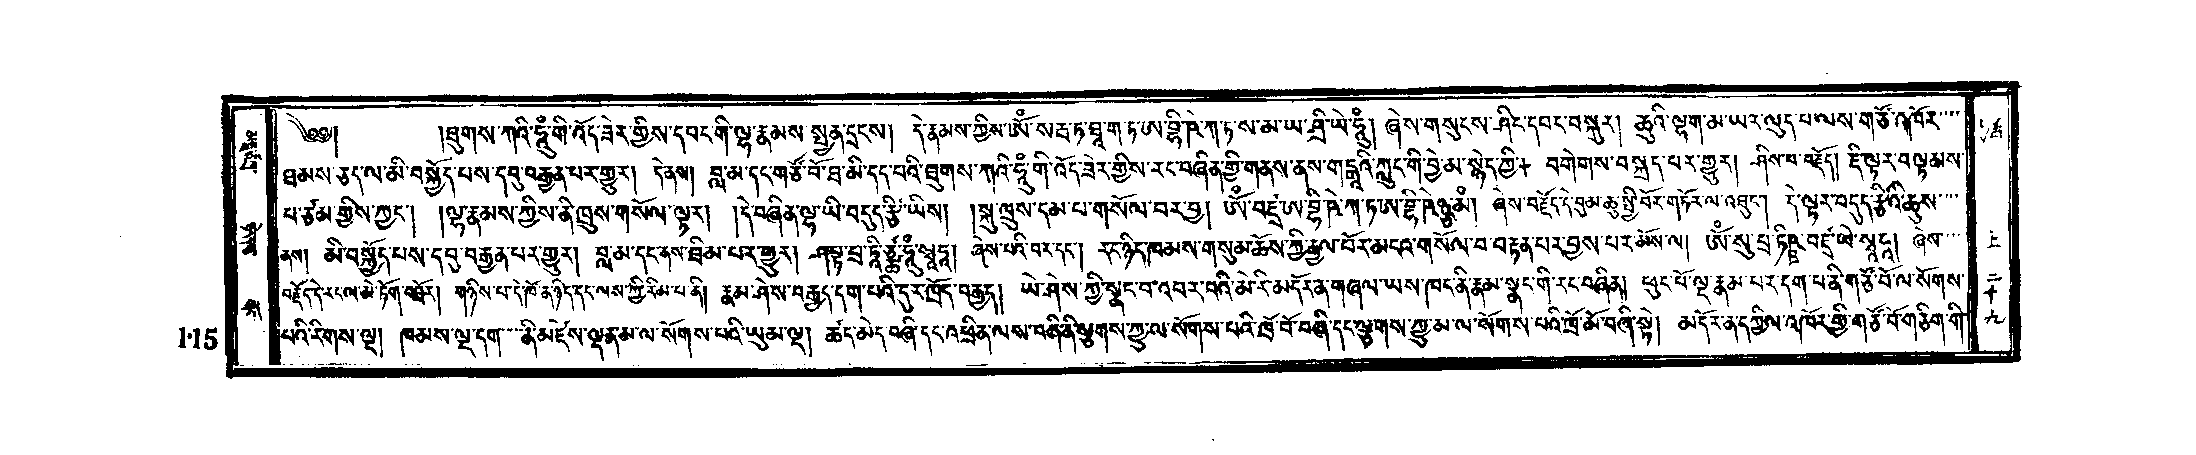༄༅། །ཐུགས་ཀའི་ཧཱུཾ་གི་འོད་ཟེར་གྱིས་དབང་གི་ལྷ་རྣམས་སྤྱན་དྲངས། དེ་རྣམས་ཀྱིས་ཨོཾ་སརྦ་ཏ་ཐཱ་ག་ཏ་ཨ་བྷི་ཥེ་ཀ་ཏ་ས་མ་ཡ་ཤྲི་ཡེ་ཧཱུཾ། ཞེས་གསུངས་ཤིང་དབང་བསྐུར། ཆུའི་ལྷག་མ་ཡར་ལུད་པ་ལས་གཙོ་འཁོར་
ཐམས་ཅད་ལ་མི་བསྐྱོད་པས་དབུ་བརྒྱན་པར་གྱུར། དེ་ནས། བླ་མ་དང་གཙོ་བོ་ཐ་མི་དད་པའི་ཐུགས་ཀའི་ཧཱུཾ་གི་འོད་ཟེར་གྱིས་རང་བཞིན་གྱི་གནས་ནས་གངྒཱའི་ཀླུང་གི་བྱེ་མ་སྙེད་ཀྱི་+་བགེགས་བསྐྲད་པར་གྱུར། ཤིས་པ་བརྗོད། ཇི་ལྟར་བལྟམས་
པ་ཙམ་གྱིས་ཀྱང་། །ལྷ་རྣམས་ཀྱིས་ནི་ཁྲུས་གསོལ་ལྟར། །དེ་བཞིན་ལྷ་ཡི་བདུད་རྩི་ཡིས། །སྐུ་ཁྲུས་དམ་པ་གསོལ་བར་བྱ། ཨོཾ་བཛྲ་ཨ་བྷི་ཥེ་ཀ་ཏ་ཨ་བྷི་ཥེཉྩ་མཾ། ཞེས་བརྗོད་དེ་བུམ་ཆུ་སྤྱི་བོར་གཏོར་ལ་འཐུང་། དེ་ལྟར་བདུད་རྩིའི་ཆུས་
ནས། མི་བསྐྱོད་པས་དབུ་བརྒྱན་པར་གྱུར། བླ་མ་དང་ནས་ཐིམ་པར་གྱུར། ཤཔྟ་པྲ་ཏཱི་ཙྪ་ཧཱུཾ་སྭཱཧཱ། ཞེས་པའི་བར་དང་། རང་ཉིད་ཁམས་གསུམ་ཆོས་ཀྱི་རྒྱལ་པོར་མངའ་གསོལ་བ་བརྟན་པར་བྱས་པར་མོས་ལ། ཨོཾ་སུ་པྲ་ཏིཥཊཿཨ་བཛྲ་ཡེ་སྭཱཧཱ། ཞེས་
བརྗོད་དེ་རང་ལ་མེ་ཏོག་འཐོར། གཉིས་པ་དེ་ཁོ་ན་ཉིད་དང་ལས་ཀྱི་རིམ་པ་ནི། རྣམ་ཤེས་བརྒྱད་དག་པའི་དུར་ཁྲོད་བརྒྱད། ཡེ་ཤེས་ཀྱི་སྣང་བ་འབར་བའི་མེ་རི་མདོར་ན་གཞལ་ཡས་ཁང་ནི་རྣམ་སྣང་གི་རང་བཞིན། ཕུང་པོ་ལྔ་རྣམ་པར་དག་པ་ནི་གཙོ་བོ་ལ་སོགས་
པའི་རིགས་ལྔ། ཁམས་ལྔ་དག་ནི་མཛེས་ལྡན་མ་ལ་སོགས་པའི་ཡུམ་ལྔ། ཚད་མེད་བཞི་དང་འཕྲིན་ལས་བཞི་ནི་ལྕགས་ཀྱུ་ལ་སོགས་པའི་ཁྲོ་བོ་བཞི་དང་ལྕགས་ཀྱུ་མ་ལ་སོགས་པའི་ཁྲོ་མོ་བཞི་སྟེ། མདོར་ན་དཀྱིལ་འཁོར་གྱི་གཙོ་བོ་གཅིག་གི་